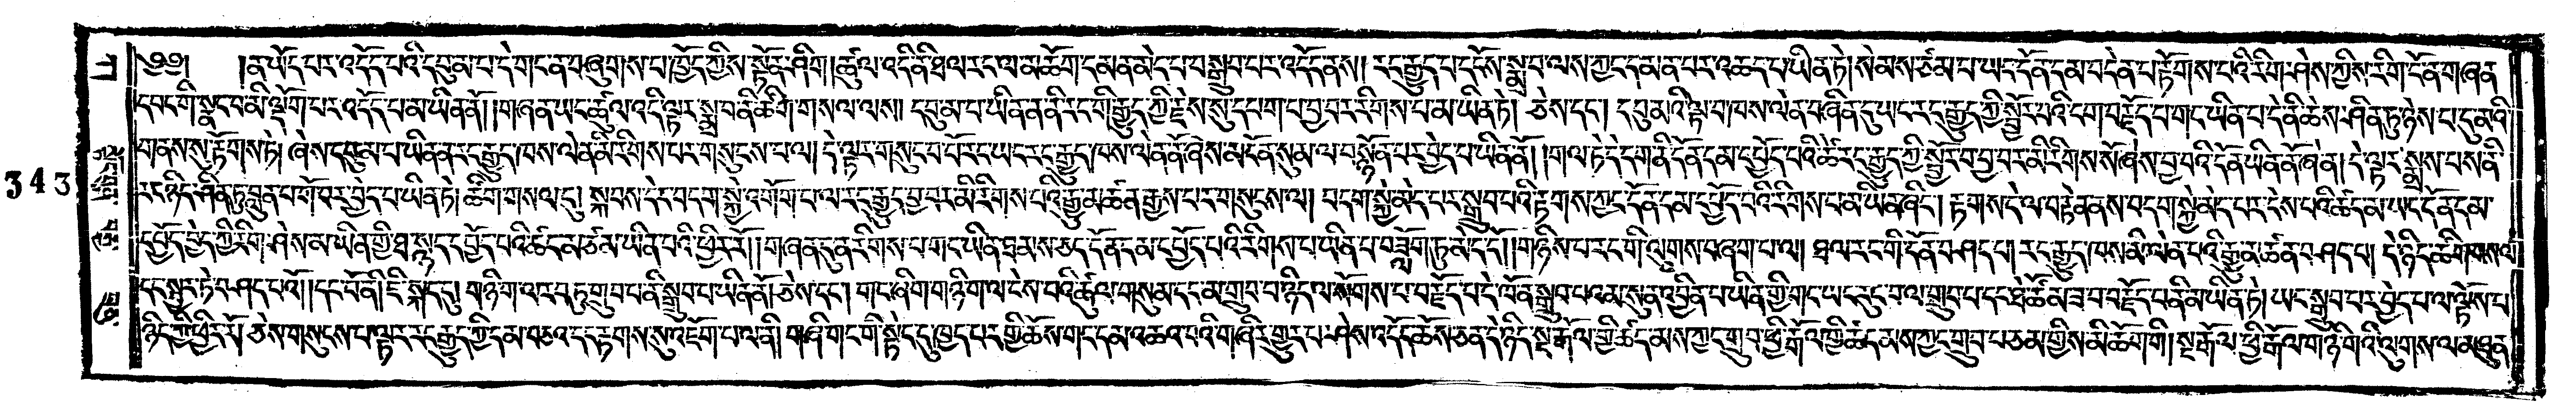༄༅། །ན་ཡོད་པར་འདོད་པའི་དབུ་མ་པ་དེ་གང་ན་བཞུགས་པ་ཁྱོད་ཀྱིས་སྟོན་ཤིག །ཚུལ་འདི་ནི་ཐལ་རང་ལ་མཆོག་དམན་མེད་པ་བསྒྲུབ་པར་འདོད་ནས། རང་རྒྱུད་པ་དངོས་སྨྲ་བ་ལས་ཀྱང་དམན་པར་འཆད་པ་ཡིན་ཏེ། སེམས་ཙམ་པ་ཡང་དོན་དམ་བདེན་པ་རྟོགས་པའི་རིག་ཤེས་ཀྱིས་རིག་ངོ་ན་གཞན་
དབང་གི་སྣང་བ་མི་ལྡོག་པར་འདོད་པ་མ་ཡིན་ནོ། །གཞན་ཡང་ཚུལ་འདི་ལྟར་སྨྲ་བ་ནི་ཚིག་གསལ་ལས། དབུ་མ་པ་ཡིན་ན་ནི་རང་གི་རྒྱུད་ཀྱི་རྗེས་སུ་དཔག་པ་བྱ་བར་རིགས་པ་མ་ཡིན་ཏེ། ཅེས་དང་། དབུ་མའི་ལྟ་བ་ཁས་ལེན་བཞིན་དུ་ཡང་རང་རྒྱུད་ཀྱི་སྦྱོར་བའི་ངག་བརྗོད་པ་གང་ཡིན་པ་དེ་ནི་ཆེས་ཤིན་ཏུ་ཉེས་པ་དུ་མའི་
གནས་སུ་རྟོགས་ཏེ། ཞེས་དབུ་མ་པ་ཡིན་ན་རང་རྒྱུད་ཁས་ལེན་མི་རིགས་པར་གསུངས་པ་ལ། དེ་ལྟར་གསུང་བ་པོ་རང་ཡང་རང་རྒྱུད་ཁས་ལེན་ནོ་ཞེས་མངོན་སུམ་ལ་བསྙོན་པར་བྱེད་པ་ཡིན་ནོ། །གལ་ཏེ་དེ་དེ་དག་ནི་དོན་དམ་དཔྱོད་པའི་ཚེ་རང་རྒྱུད་ཀྱི་སྦྱོར་བ་བྱ་བར་མི་རིགས་སོ་ཞེས་བྱ་བའི་དོན་ཡིན་ནོ་ཞེ་ན། དེ་ལྟར་ན་སྨྲས་པས་ནི་
རང་ཉིད་ཤིན་ཏུ་བླུན་པ་གོ་བར་བྱེད་པ་ཡིན་ཏེ། ཚིག་གསལ་དུ། སྐབས་དེར་བདག་སྐྱེ་འགོག་པ་ལ་རང་རྒྱུད་བྱ་བར་མི་རིགས་པའི་རྒྱུ་མཚན་རྒྱས་པར་གསུངས་ལ། བདག་སྐྱེ་མེད་པར་སྒྲུབ་པའི་རྟགས་ཀྱང་དོན་དམ་དཔྱོད་པའི་རིགས་པ་མ་ཡིན་ཞིང་། རྟགས་དེ་ལ་བརྟེན་ནས་བདག་སྐྱེ་མེད་པར་ངེས་པའི་ཚད་མ་ཡང་དོན་དམ་
དཔྱོད་བྱེད་ཀྱི་རིག་ཤེས་མ་ཡིན་གྱི་ཐ་སྙད་དཔྱོད་པའི་ཚད་མ་ཙམ་ཡིན་པའི་ཕྱིར་རོ། །གཞན་དུ་ན་རིགས་པ་གང་ཡིན་ཐམས་ཅད་དོན་དམ་དཔྱོད་པའི་རིགས་པ་ཡིན་པ་བཟློག་ཏུ་མེད་དོ། །གཉིས་པ་རང་གི་ལུགས་བཞག་པ་ལ། ཐལ་རང་གི་དོན་བཤད་པ། རང་རྒྱུད་ཁས་མི་ལེན་པའི་རྒྱུ་མཚན་བཤད་པ། དེ་ཉིད་ཚིག་གསལ་
དང་སྦྱར་ཏེ་བཤད་པའོ། །དང་པོ་ནི། ཇི་སྐད་དུ། གཉི་ག་ལ་རབ་ཏུ་གྲུབ་པ་ནི་སྒྲུབ་པ་ཡིན་ནོ། ཅེས་དང་། གང་ཞིག་གཉི་ག་ལ་ངེས་བའི་ཚུལ་གསུམ་དང་མ་གྲུབ་པ་ཉིད་ལ་སོགས་པ་བརྗོད་པ་དེ་ཁོ་ན་སྒྲུབ་པའམ་སུན་འབྱིན་པ་ཡིན་གྱི་གང་ཡང་རུང་བ་ལ་གྲུབ་པ་དང་ཐེ་ཚོམ་ཟ་བ་བརྗོད་པ་ནི་མ་ཡིན་ཏེ། ཡང་སྒྲུབ་པར་བྱེད་པ་ལ་ལྟོས་པ་
ཉིད་ཀྱི་ཕྱིར་རོ། ཅེས་གསུངས་པ་ལྟར་རང་རྒྱུད་ཀྱི་དམ་བཅའ་དང་རྟགས་སུ་འཇོག་པ་ལ་ནི། གཞི་གང་གི་སྟེང་དུ་ཁྱད་པར་གྱི་ཆོས་གང་དམ་འཆའ་བའི་གཞིར་གྱུར་པ་ཤེས་འདོད་ཆོས་ཅན་དེ་ཉིད་སྔ་རྒོལ་གྱི་ཚད་མས་ཀྱང་གྲུབ་ཕྱི་རྒོལ་གྱི་ཚད་མས་ཀྱང་གྲུབ་པ་ཅམ་གྱིས་མི་ཆོག་གི། སྔ་རྒོལ་ཕྱི་རྒོལ་གཉི་གའི་ལུགས་ལ་མཐུན་